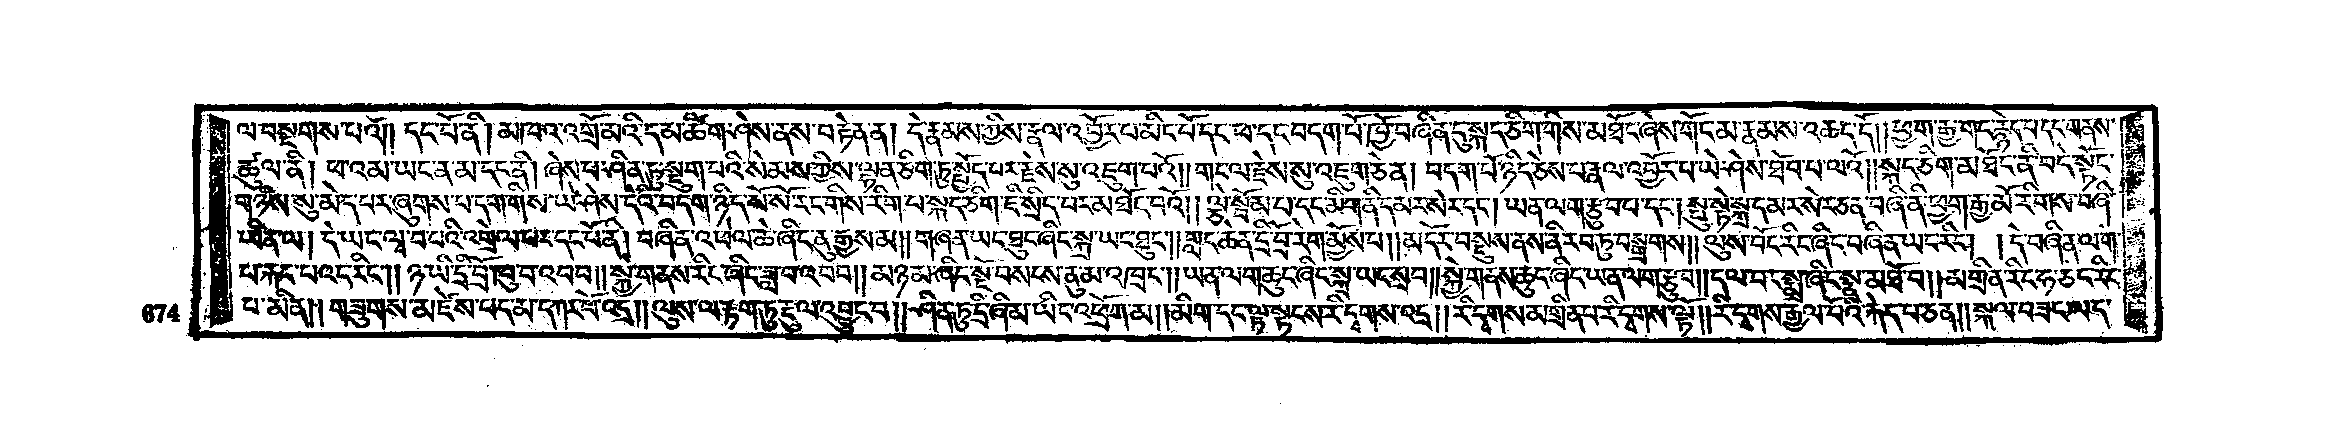ལ་བསྔགས་པའོ། །དང་པོ་ནི། མཁའ་འགྲོ་མའི་དམ་ཚིག་ཤེས་ནས་བརྟེན་ན། དེ་རྣམས་ཀྱིས་རྣལ་འབྱོར་པ་མིང་པོ་དང་ཕ་དང་བདག་པོ་ཁྱོ་བཞིན་དུ་སྐད་ཅིག་གིས་མཐོང་ཞེས་གོང་མ་རྣམས་འཆད་དོ། །ཕྱག་རྒྱ་གང་རྙེད་པ་དང་གནས་
ཚུལ་ནི། ཕ་འམ་ཡང་ན་མ་དང་ནི། ཞེས་པ་ཤིན་ཏུ་སྡུག་པའི་སེམས་ཀྱིས་ལྷན་ཅིག་ཏུ་སྤྱོད་པར་རྗེས་སུ་འཇུག་པའོ། །གང་ལ་རྗེས་སུ་འཇུག་ཅེ་ན། བདག་པོ་ཉིད་ཅེས་པ་རྣལ་འབྱོར་པ་ཡེ་ཤེས་ཐོབ་པ་ལའོ། །སྐད་ཅིག་མཐོང་ནི་བདེ་སྟོང་
གཉིས་སུ་མེད་པར་ཞུགས་པ་དག་གིས་ཡེ་ཤེས་དེའི་བདག་ཉིད་སོ་སོ་རང་གིས་རིག་པ་སྐད་ཅིག་ཇི་སྲིད་པར་མཐོང་བའོ། །ལྕེ་སྦོམ་པ་དང་མིག་ནི་དམར་སེར་དང་། ཡན་ལག་རྩུབ་པ་དང་། སྤུ་སྟེ་སྐྲ་དམར་སེར་ཅན་བཞི་ནི་ཕྱག་རྒྱ་མོ་རིགས་བཞི་
ཡིན་ལ། དེ་ཡང་ལྭ་བ་པའི་འགྲེལ་པར་དང་པོ་ནི། བཞིན་འཕེལ་ཆེ་ཞིང་ནུ་རྒྱས་མ། །གཞན་ཡང་ཐུང་ཞིང་སྐྲ་ཡང་ཐུང་། །གླང་ཆེན་དྲི་བྲོ་རེག་མྱོས་པ། །མདོར་བསྡུས་ནས་ནི་རབ་ཏུ་བསྒྲགས། །ལུས་བོང་རིང་ཞིང་བཞིན་ཡང་རིང་། །དེ་བཞིན་ལག་
པ་རྐང་པའང་རིང་། །ཉ་ཡི་དྲི་བྲོ་ཁུ་བ་འབབ། །སྐྱེ་གནས་རིང་ཞིང་ཟླ་བ་འབབ། །མཉམ་ཞིང་སྔོ་བསངས་ནུ་མ་འཁྲང་། །ཡན་ལག་ཆུང་ཞིང་སྐྲ་ཡང་སྲབ། །སྐྱེ་གནས་ཆུང་ཞིང་ཡན་ལག་རྩུབ། །དལ་བར་སྨྲ་ཞིང་སྣ་མཐོ་བ། །མགྲིན་རིང་ཧ་ཅང་རིང་
པ་མིན། །གཟུགས་མཛེས་པད་མ་དཀར་པོ་འདྲ། །ལུས་ལ་རྟག་ཏུ་རྡུལ་འབྱུང་བ། །ཤིན་ཏུ་དྲི་ཞིམ་ཡིད་འཕྲོག་མ། །མིག་དང་ལྟ་སྟངས་རི་དྭགས་འདྲ། །རི་དྭགས་མགྲིན་པ་རི་དྭགས་ལྟོ། །རི་དྭགས་རྒྱལ་པོའི་རྐེད་པ་ཅན། །སྐལ་བཟང་པད་